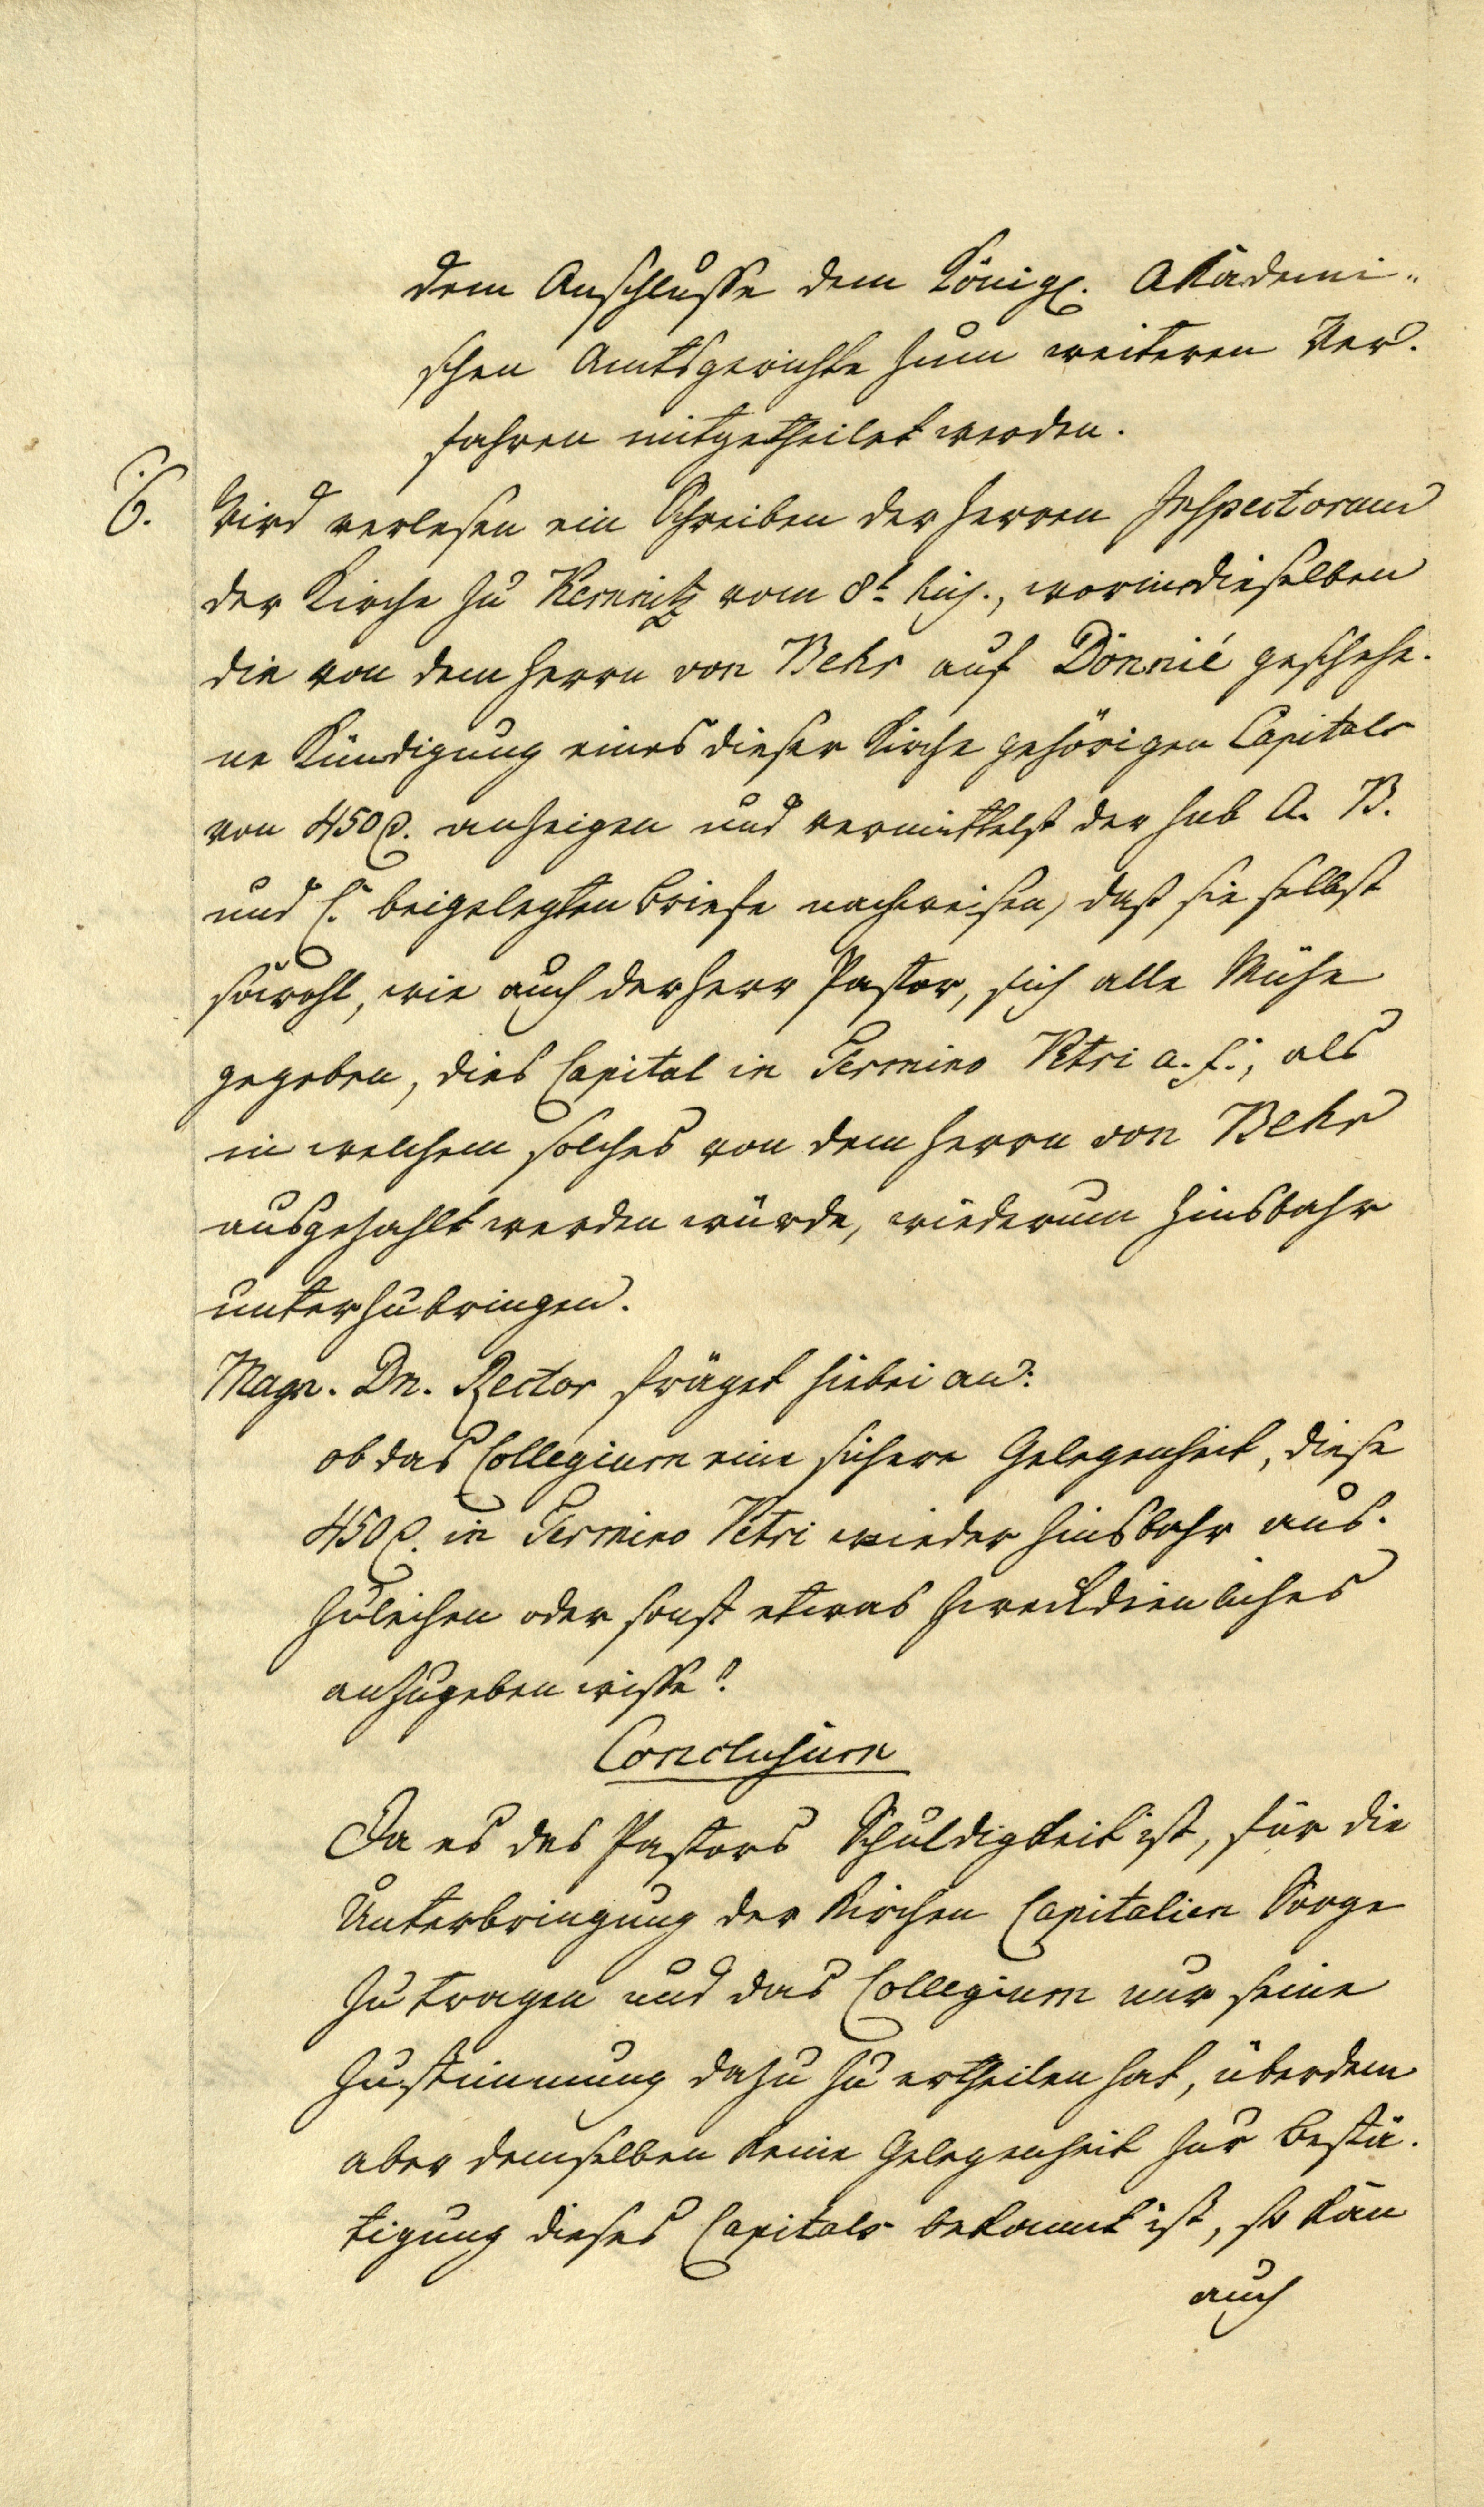dem Anschlusse dem Königl. Akademi¬
schen Amtsgerichte zum weiteren Ver¬
fahren mitgetheilet werden.
6. Wird verlesen ein Schreiben der Herren Inspectorum
der Kirche zu Kemnitz vom 8 t huj. worindieselben
die von dem Herrn von Behr auf Dönnié geschehe¬
ne Kündigung eines dieser Kirche gehörigen Capitals
von 450 l. anzeigen und vermittelst der sub A. B.
und C. beigelegten Briefe nachweisen, daß sie selbst
sowohl, wie auch der Herr Pastor, sich alle Mühe
gegeben, dies Capital in Termino Petri a. f., als
in welchem solches von dem Herrn von Behr
ausgezahlt werden würde, wiederum zinsbahr
unterzubringen.
Magn. Dn. Rector fräget hiebei an:
ob das Collegium eine sichere Gelegenheit, diese
450 l. in Termino Petri wieder zinsbahr aus¬
zuleihen der sonst etwas zweckdienliches
anzugeben wisse?
Conclusum
Da es des Pastors Schuldigkeit ist, für die
Unterbringung der Kirchen Capitalien Sorge
zu tragen und das Collegium nur seine
Zustimmung dazu zu ertheilen hat, überdem
aber demselben keine Gelegenheit zur Bestä¬
tigung dieses Capitals bekannt ist, so kan
auch